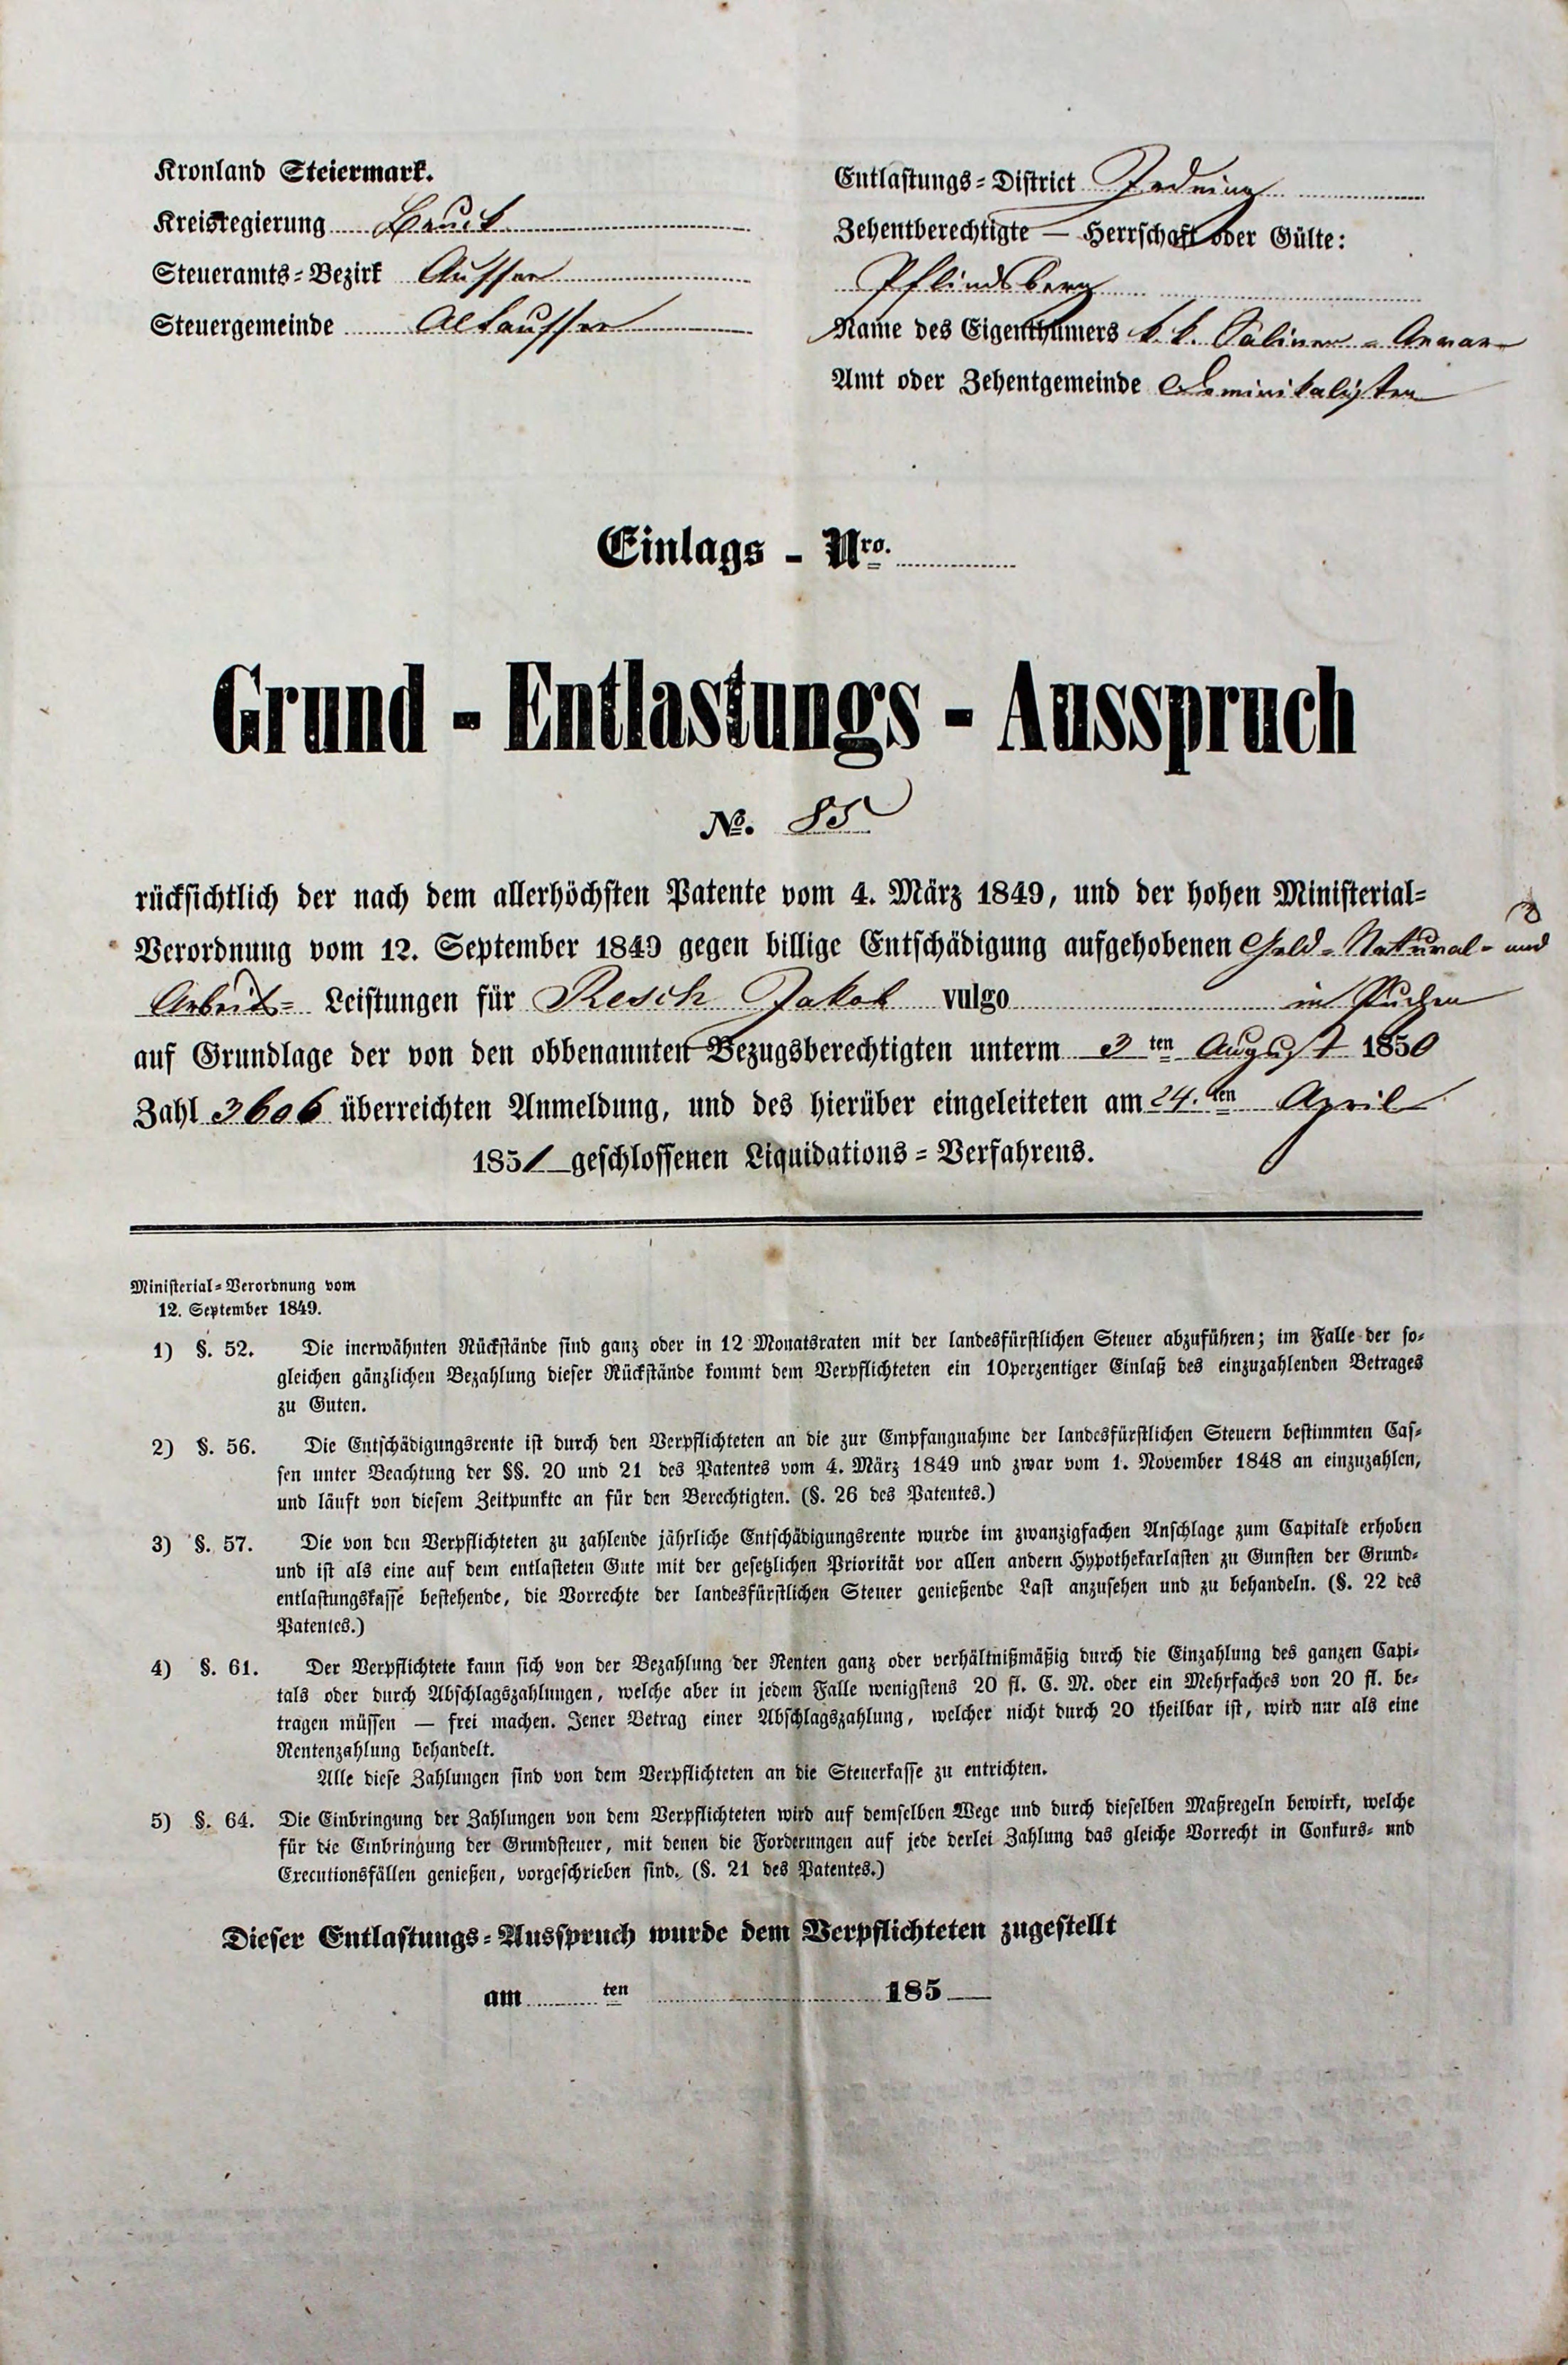Entlastungs=District Jrdning
Zehentberechtigte — Herrschaft oder Gülte:
Pflindsberg
Name des Eigenthümers k.k. Sabinen = Annan
Amt oder Zehentgemeinde Dominikalisten
Kronland Steiermark.
Kreisregierung Bruck
Steueramts=Bezirk Aussee
Steuergemeinde Altaussee
Einlag - Nro.
Grund - Entlastungs - Ausspruch
No. 85
rücksichtlich der nach dem allerhöchsten Patente vom 4. März 1849, und der hohen Ministerial=
Verordnung vom 12. September 1849 gegen billige Entschädigung aufgehobenen Geld = Natural = und
Arbeit = Leistungen für Resch Jakob vulgo in Puchen
auf Grundlage der von den obbenannten Bezugsberechtigten unterm 3ten August 1850
Zahl 3606 überreichten Anmeldung, und des hierüber eingeleiteten am 24ten April
1851 geschlossenen Liquidations = Verfahrens.
Ministerial = Verordnung vom
12. September 1849.
1) §. 52. Die inerwähnten Rückstände sind ganz oder in 12 Monatsraten mit der landesfürstlichen Steuer abzuführen; im Falle der so=
gleichen gänzlichen Bezahlung dieser Rückstände kommt dem Verpflichteten ein 10perzentiger Einlaß des einzuzahlenden Betrages
zu Guten.
2) §. 56. Die Entschädigungsrente ist durch den Verpflichteten an die zur Empfangnahme der landesfürstlichen Steuern bestimmten Cas=
sen unter Beachtung der §§. 20 und 21 des Patentes vom 4. März 1849 und zwar vom 1. November 1848 an einzuzahlen,
und läuft von diesem Zeitpunkte an für den Berechtigten. (§. 26 des Patentes.)
3) §. 57. Die von den Verpflichteten zu zahlende jährliche Entschädigungsrente wurde im zwanzigfachen Anschlage zum Capitale erhoben
und ist als eine auf dem entlasteten Gute mit der gesetzlichen Priorität vor allen andern Hypothekarlasten zu Gunsten der Grund=
entlastungskasse bestehende, die Vorrechte der landesfürstlichen Steuer genießende Last anzusehen und zu behandeln. (§. 22 des
Patentes.)
4) §. 61. Der Verpflichtete kann sich von der Bezahlung der Renten ganz oder verhältnißmäßig durch die Einzahlung des ganzen Capi=
tals oder durch Abschlagszahlungen, welche aber in jedem Falle wenigstens 20 fl. C. M. oder ein Mehrfaches von 20 fl. be=
tragen müssen — frei machen. Jener Betrag einer Abschlagszahlung, welcher nicht 20 theilbar ist, wird nur als eine
Rentenzahlung behandelt.
Alle diese Zahlungen sind von dem Verpflichteten an die Steuerkasse zu entrichten.
5) §. 64. Die Einbringung der Zahlungen von dem Verpflichteten wird auf demselben Wege und durch dieselben Maßregeln bewrikt, welche
für die Einbringung der Grundsteuer, mit denen die Forderungen auf jede derlei Zahlung das gleiche Vorrecht in Conkurs= und
Executionsfällen genießen, vorgeschrieben sind. (§. 21 des Patentes.)
Dieser Entlastungs = Ausspruch wurde dem Verpflichteten zugestellt
am ....... ten ..........185 ..........—